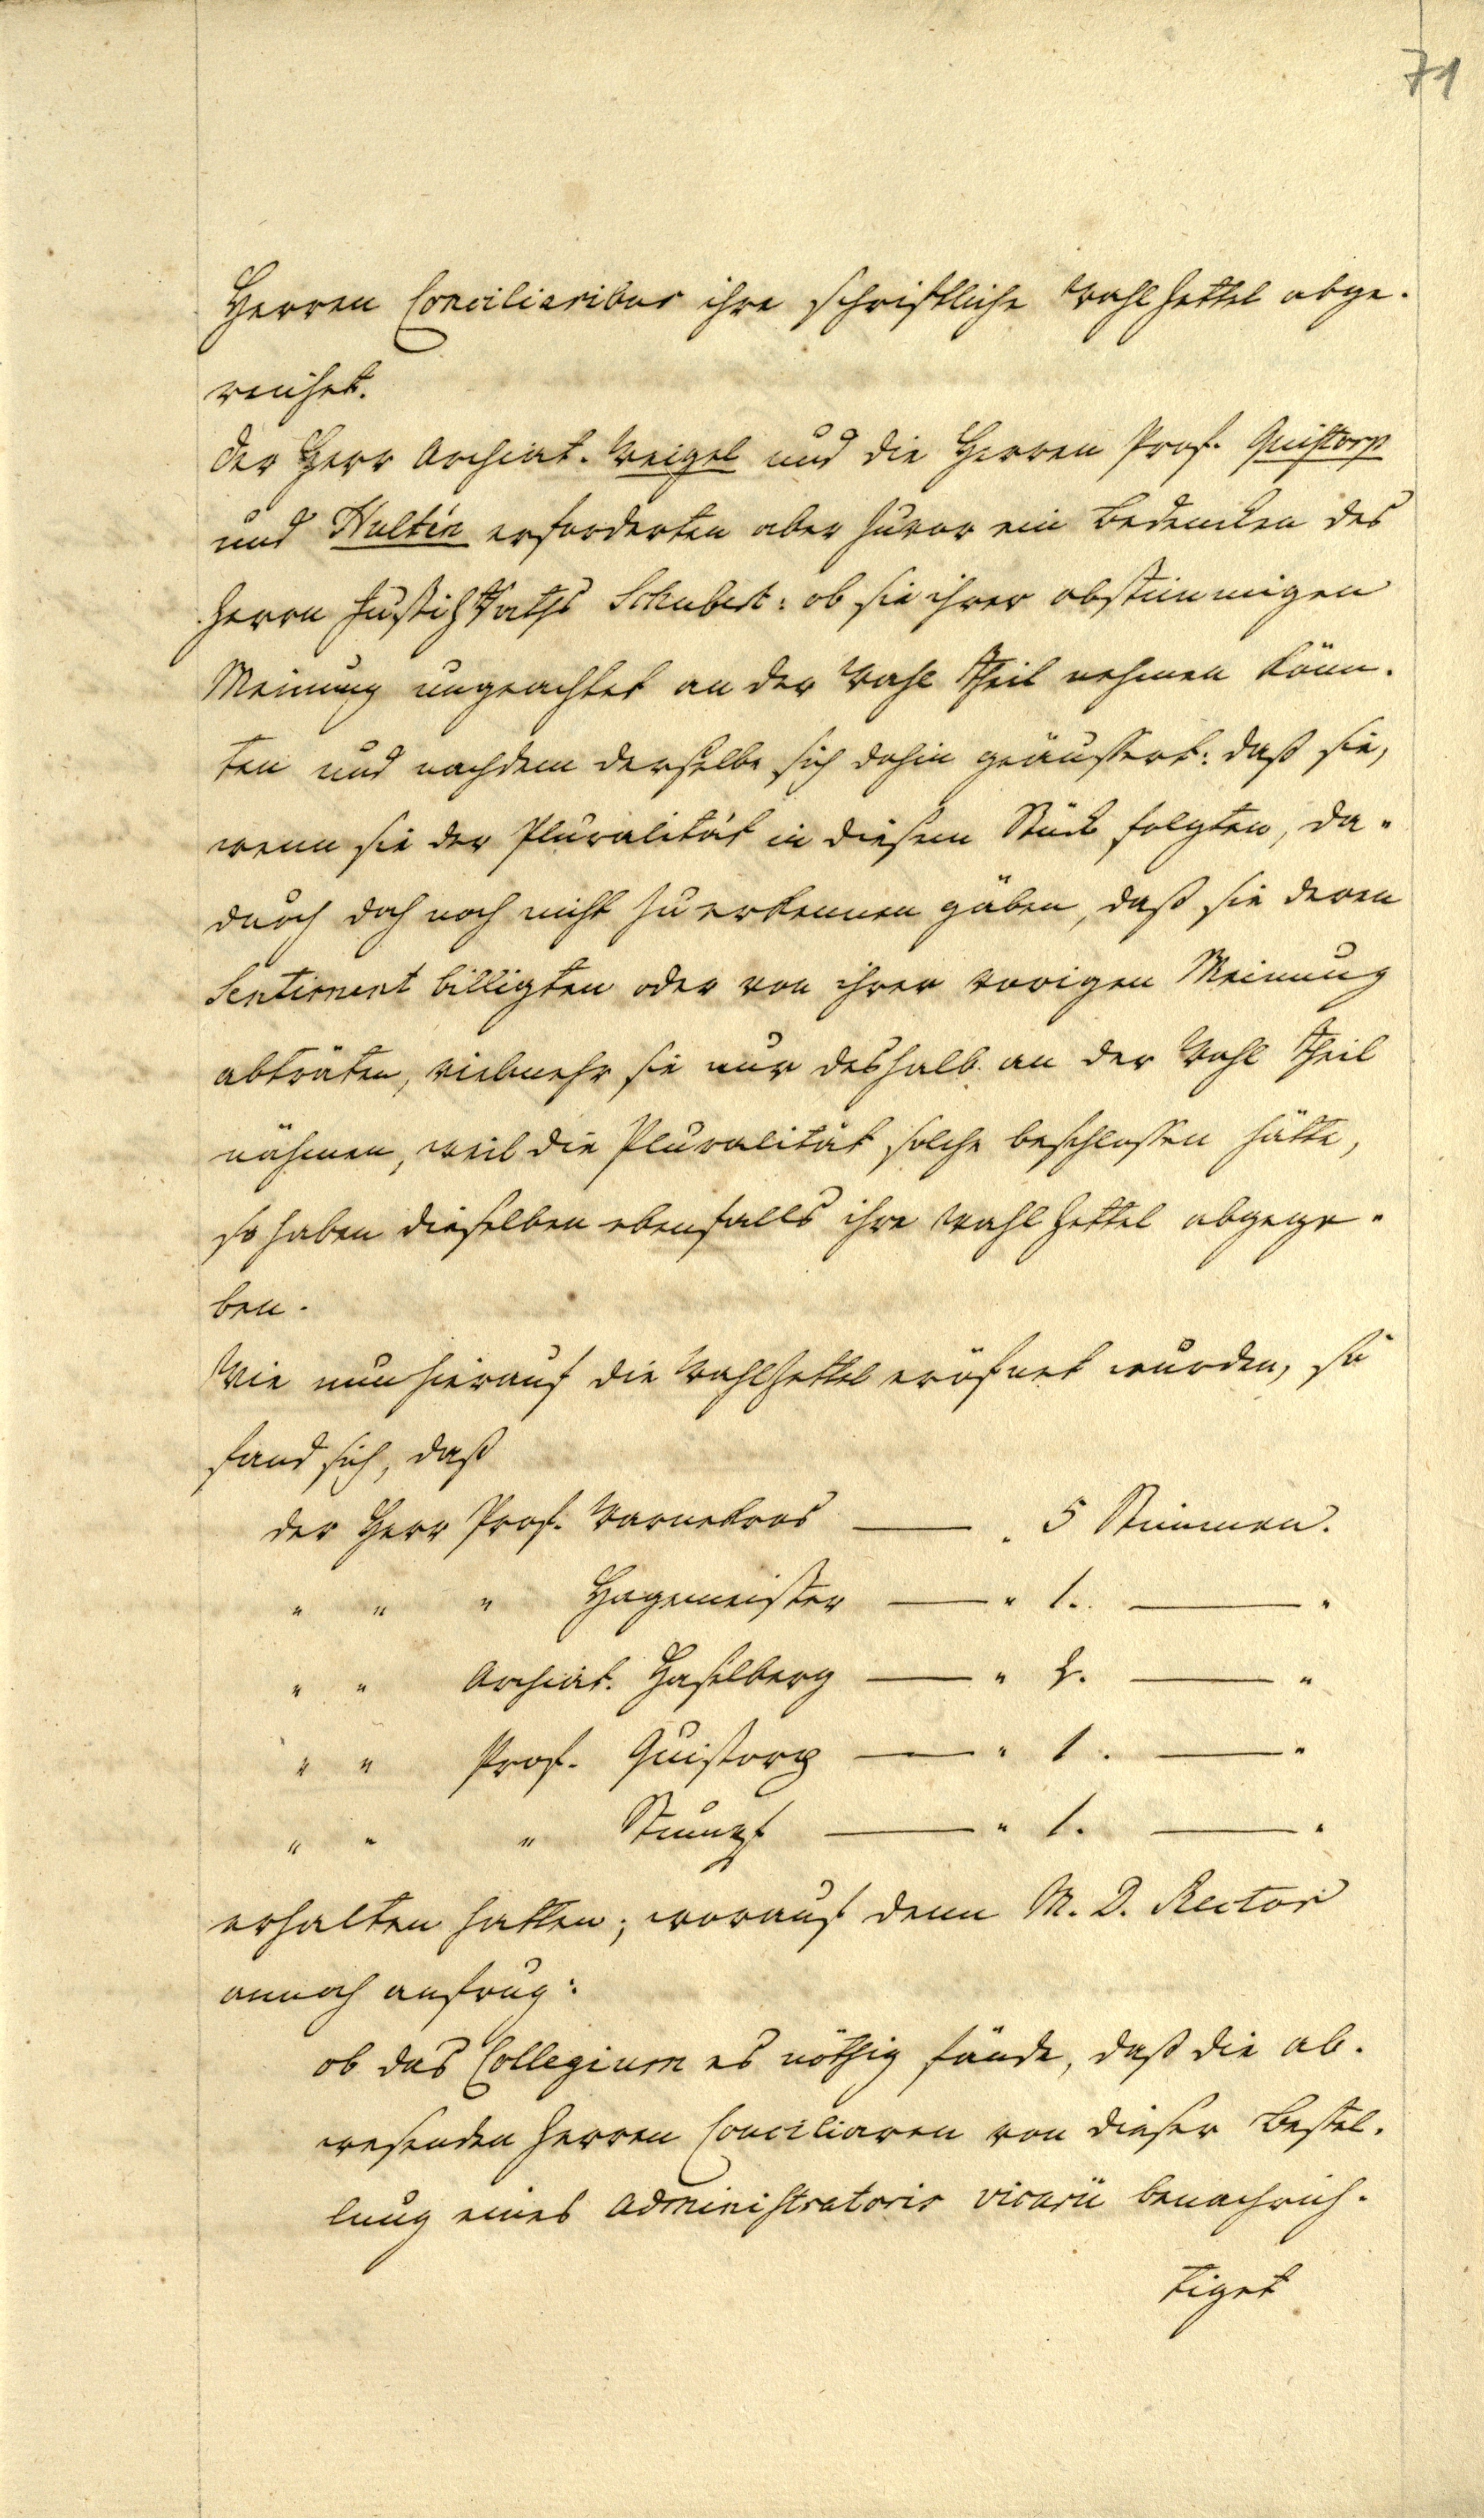Herren Conciliaribus ihre schriftliche Wahl Zettel abge¬
reichet.
Der Herr Archiat. Weigel und die Herren Prof. Quistorp
und Hultén erforderten aber zuvor ein Bedencken des
Herrn Justiz Raths Schubert: ob sie ihrer obstimmigen
Meinung ungeachtet an der Wahl Theil nehmen könn¬
ten und nachdem derselbe sich dahin geäussert: daß sie,
wenn sie der Pluralität in diesem Stück folgten, da¬
durch doch noch nicht zu erkennen gäben, daß sie deren
Sentiment billigten oder von ihrer vorigen Meinung
abträten, vielmehr sie nur deshalb an der Wahl Theil
nähmen, weil die Pluralität solche beschlossen hätte,
so haben dieselben ebenfalls ihre Wahl Zettel abgege¬
ben.
Wie nunhierauf die Wahlzettel eröfnet wurden, so
fand sich, daß
der Herr Prof. Warnekros 5 Stimmen.
Hagemeister 1.
Archiat. Haselberg 2.
Prof. Quistorp 1.
Stumpf 1.
erhalten hatten; worauf denn M. D. Rector
annoch anfrug:
ob das Collegium es nöthig fände, daß die ab¬
wesenden Herren Conciliaren von dieser Bestel¬
lung eines Administratoris vicarii benachrich-
tiget